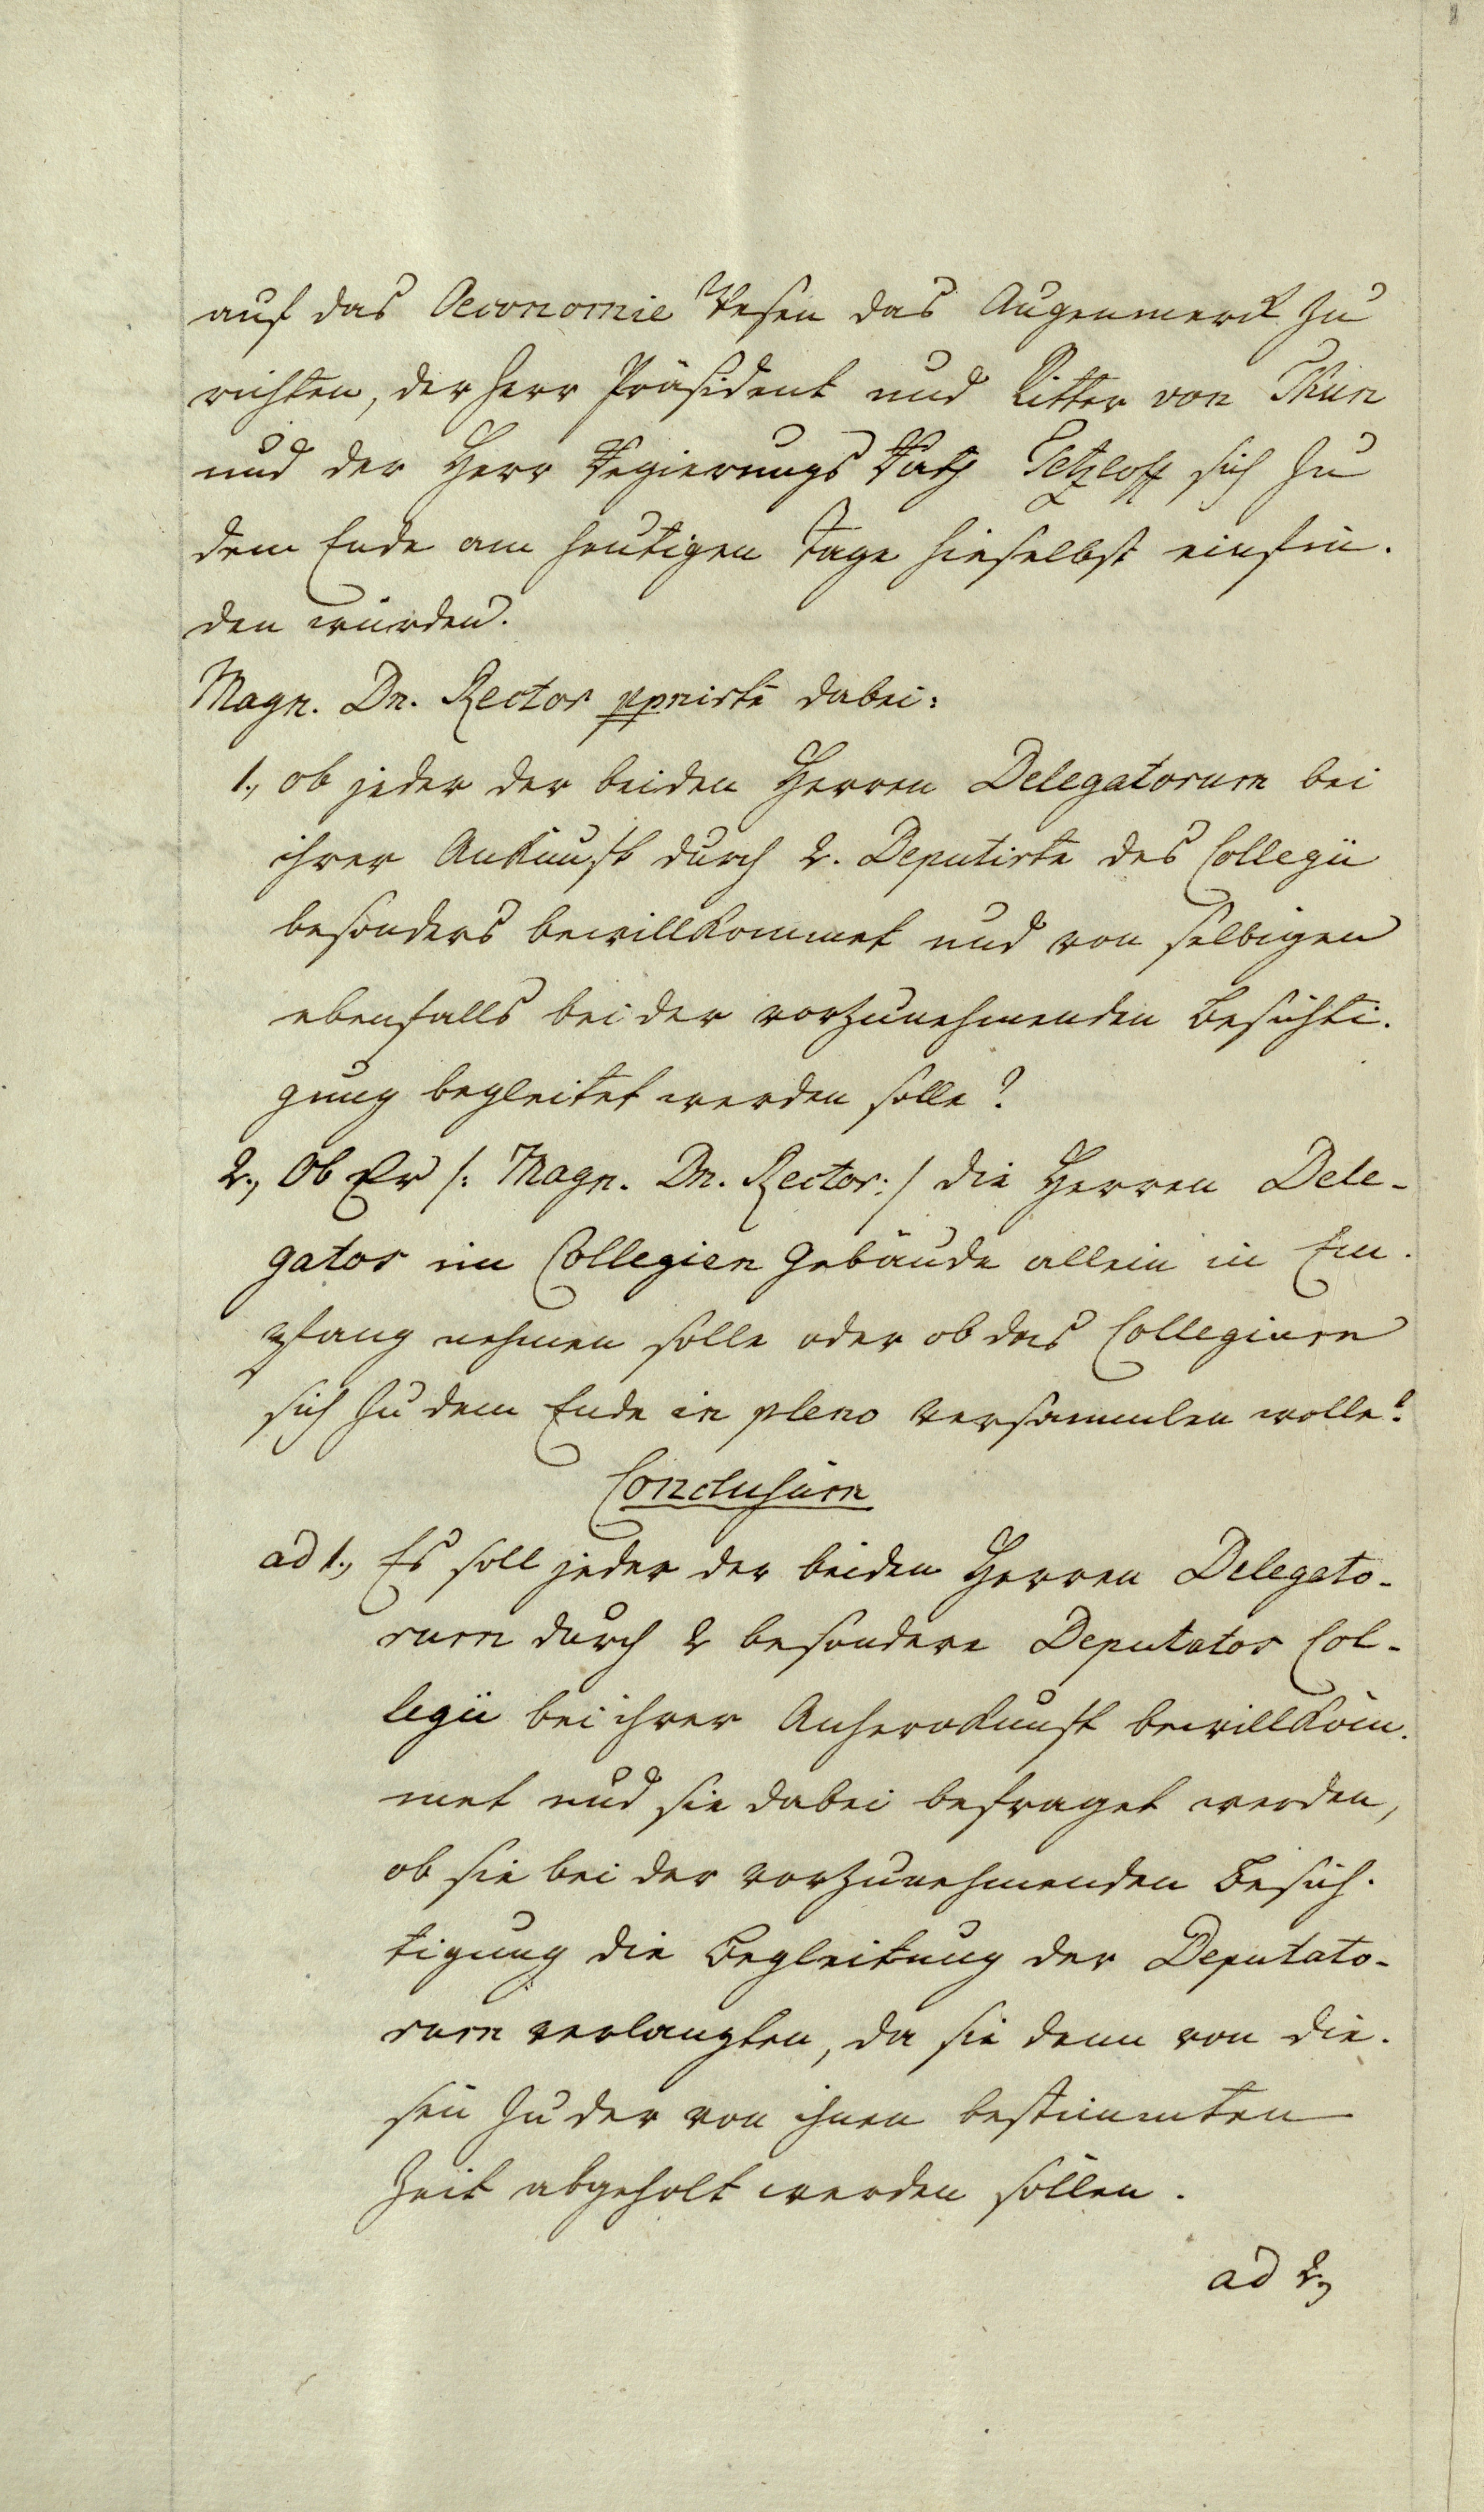auf das Oeconomie Wesen das Augenmerk zu
richten, der Herr Präsident und Ritter von Thun
und der Herr Regierungs Rath Tetzloff sich zu
dem Ende am heutigen Tage hieselbst einfin¬
den würden.
Magn. Dn. Rector ppnirte dabei:
1., ob jeder der beiden Herren Delegatorum bei
ihrer Ankunft durch 2. Deputirte des Collegii
besonders bewillkommet und von selbigen
ebenfalls bei der vorzunehmenden Besichti¬
gung begleitet werden solle?
2., Ob Er /: Magn. Dn. Rector :/ die Herren Dele¬
gatos im Collegien Gebäude allein in Em¬
pfang nehmen solle oder ob das Collegium
sich zu dem Ende in pleno versammeln wolle?
Conclusum.
ad 1., Es soll jeder der beiden Herren Delegato¬
rum durch 2 besondere Deputatos Col¬
legii bei ihrer Anherokunft bewillkom¬
met und sie dabei befragt werden,
ob sie bei der vorzunehmenden Besich¬
tigung die Begleitung der Deputato¬
rum verlangten, da sie denn von die¬
sen zu der von ihnen bestimmten
Zeit abgeholt werden sollen.
ad 2.,